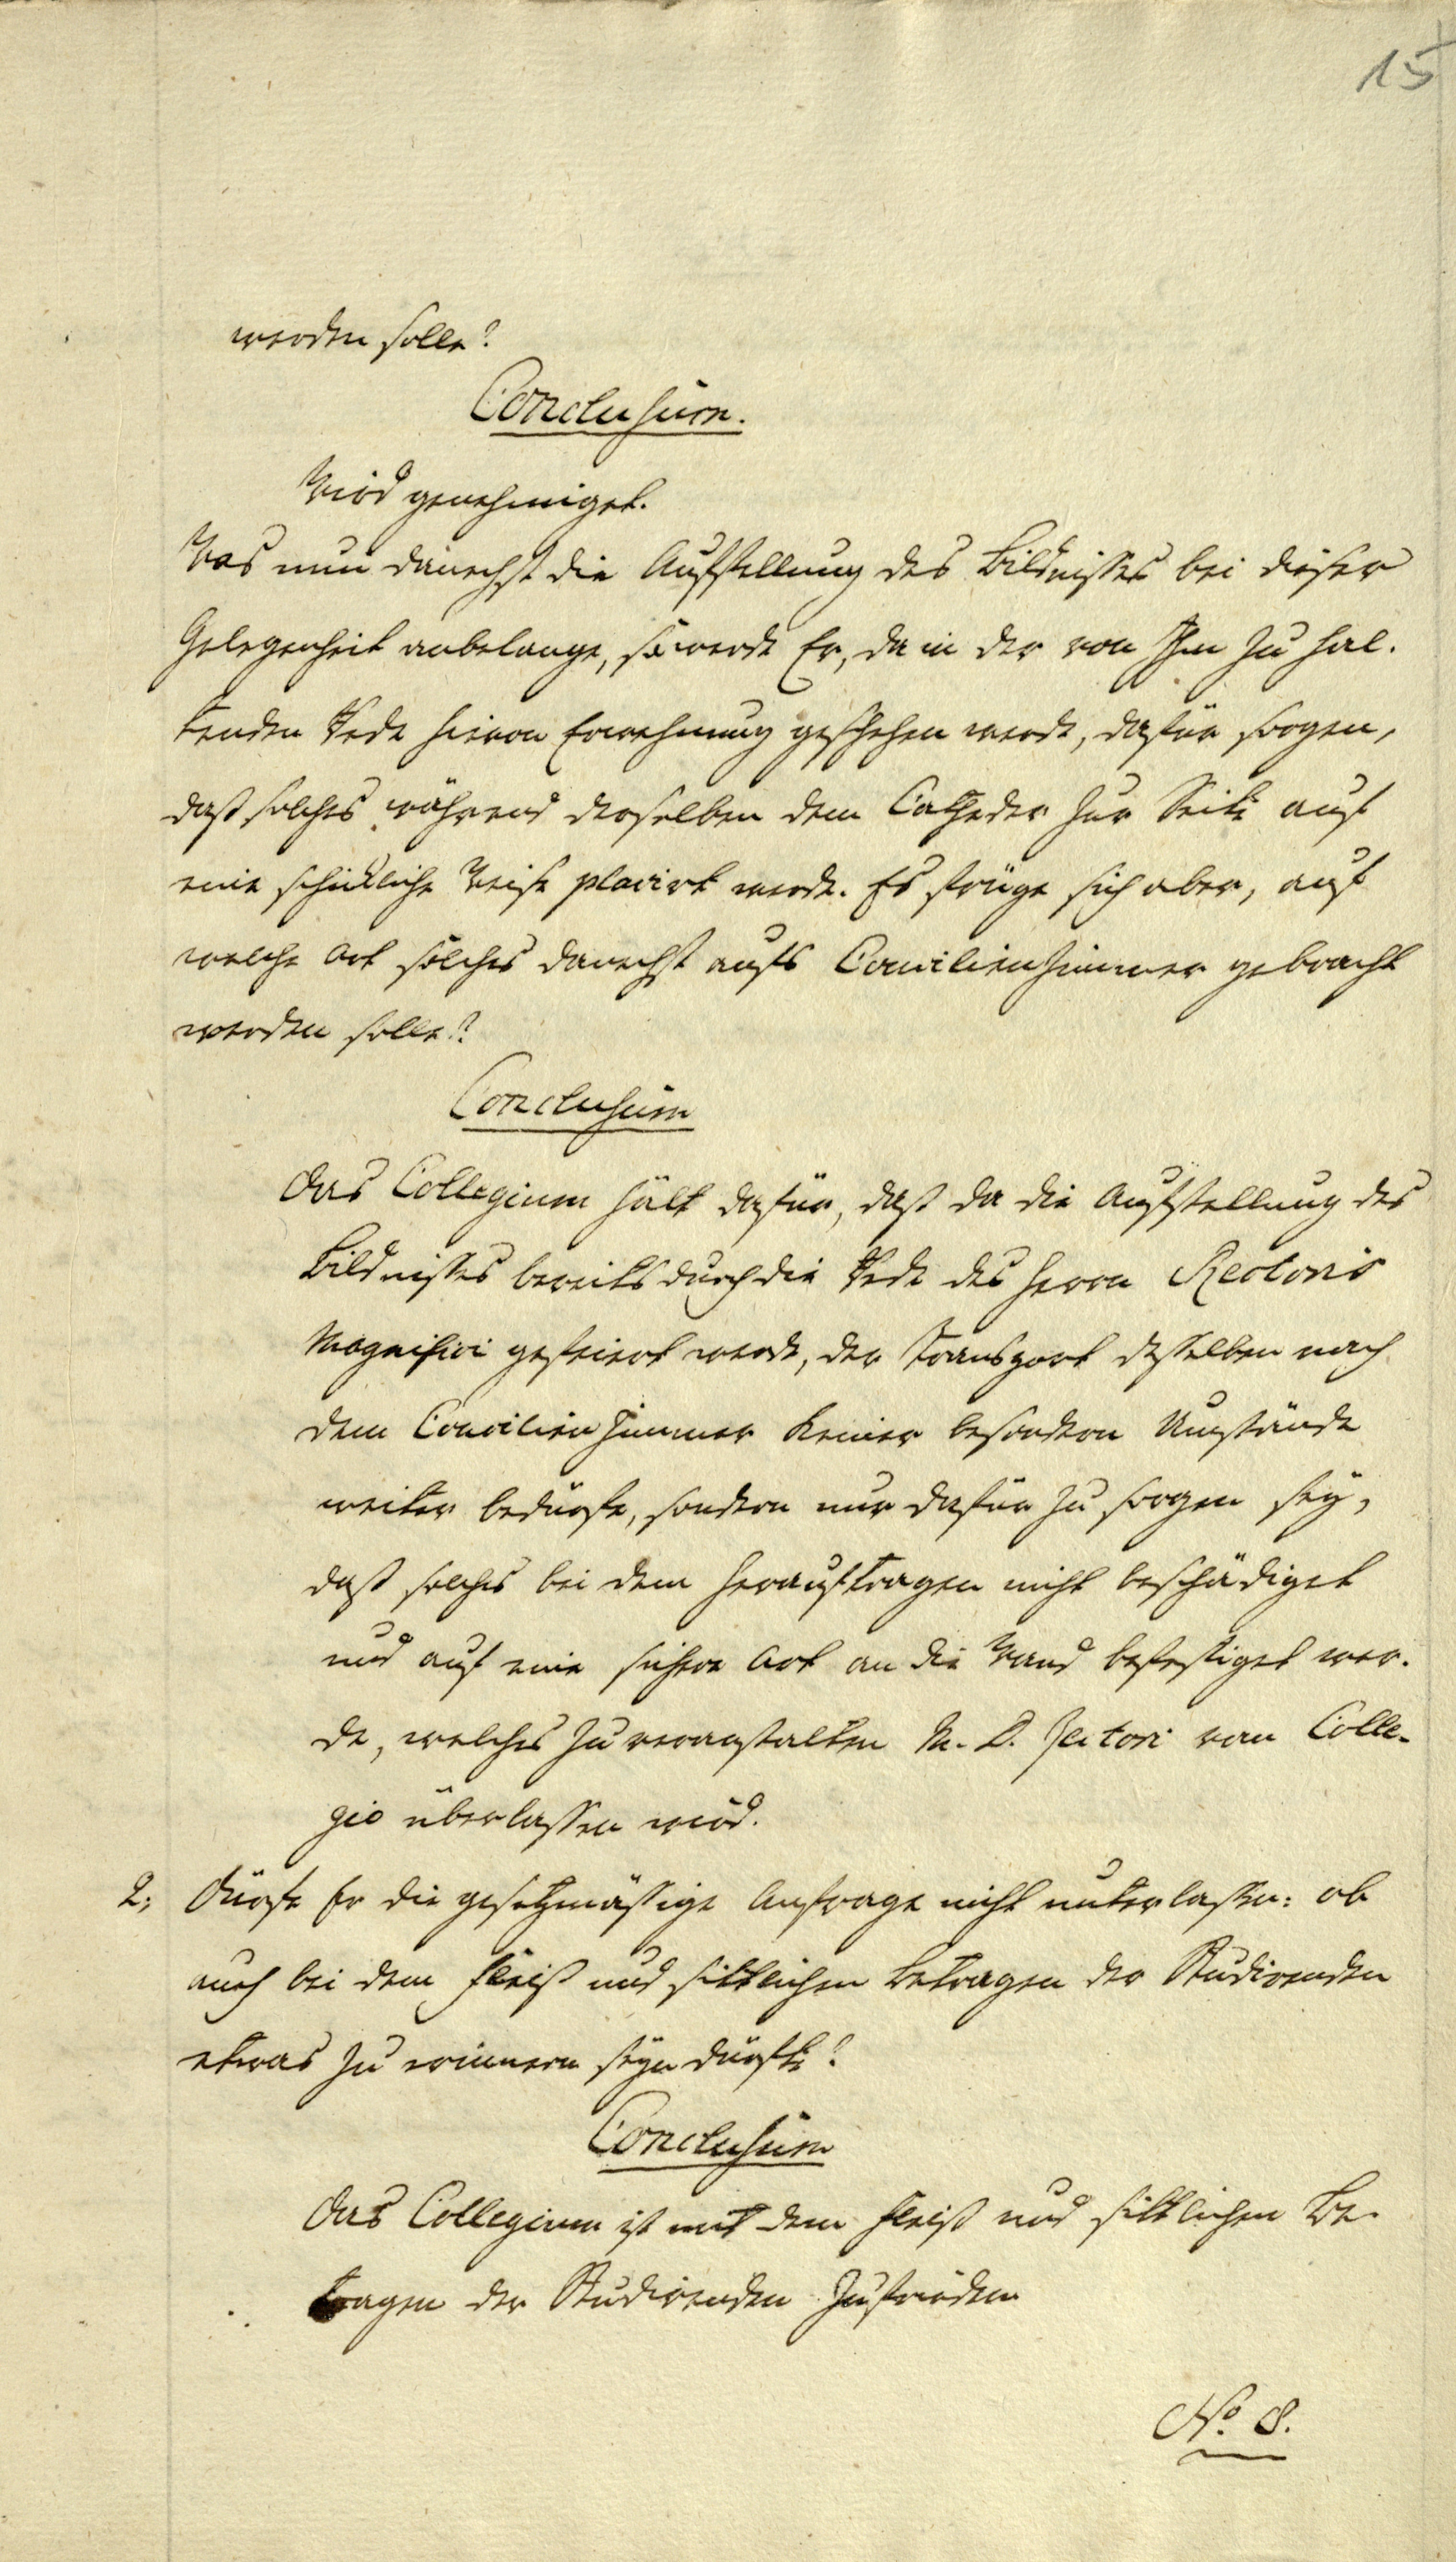werden solle?
Conclusum.
Wird genehmiget.
was nun danechst die Aufstellung des Bildnisses bei dieser
Gelegenheit anbelange, so werde Er, da in der von Ihm zu hal¬
tenden Rede hievon Erwehnung geschehen werde, dafür sorgen,
daß solches während derselben dem Catheder zur Seite auf
eine schickliche Weise placirt werde. Es früge sich aber, auf
welche Art solches danechst aufs Concilienzimmer gebracht
werden solle?
Conclusum
Das Collegium hält dafür, daß da die Austellung des
Bildnisses bereits durch die Rede des herrn Rectoris
Magnifici gefeiert werde, der Transport desselben nach
dem Concilienzimmer keiner besondern Umstände
weiter bedürfe, sondern nur dafür zu sorgen seÿ,
daß solches bei dem herauftragen nicht beschädiget
und auf eine sichere Art an die Wand befestiget wer¬
de, welches zu veranstalten M. D. Rectori vom Colle¬
gio überlassen wird.
2. Dürfe Er die gesetzmäßige Anfrage nicht unterlassen: ob
auch bei dem Fleiß und sittlichen Betragen der Studirenden
etwas zu erinnern seÿn dürfte?
Conclusum
Das Collegium ist mit dem Fleiß und sittlichen Be¬
tragen der Studirenden zufrieden.
Nº 8.